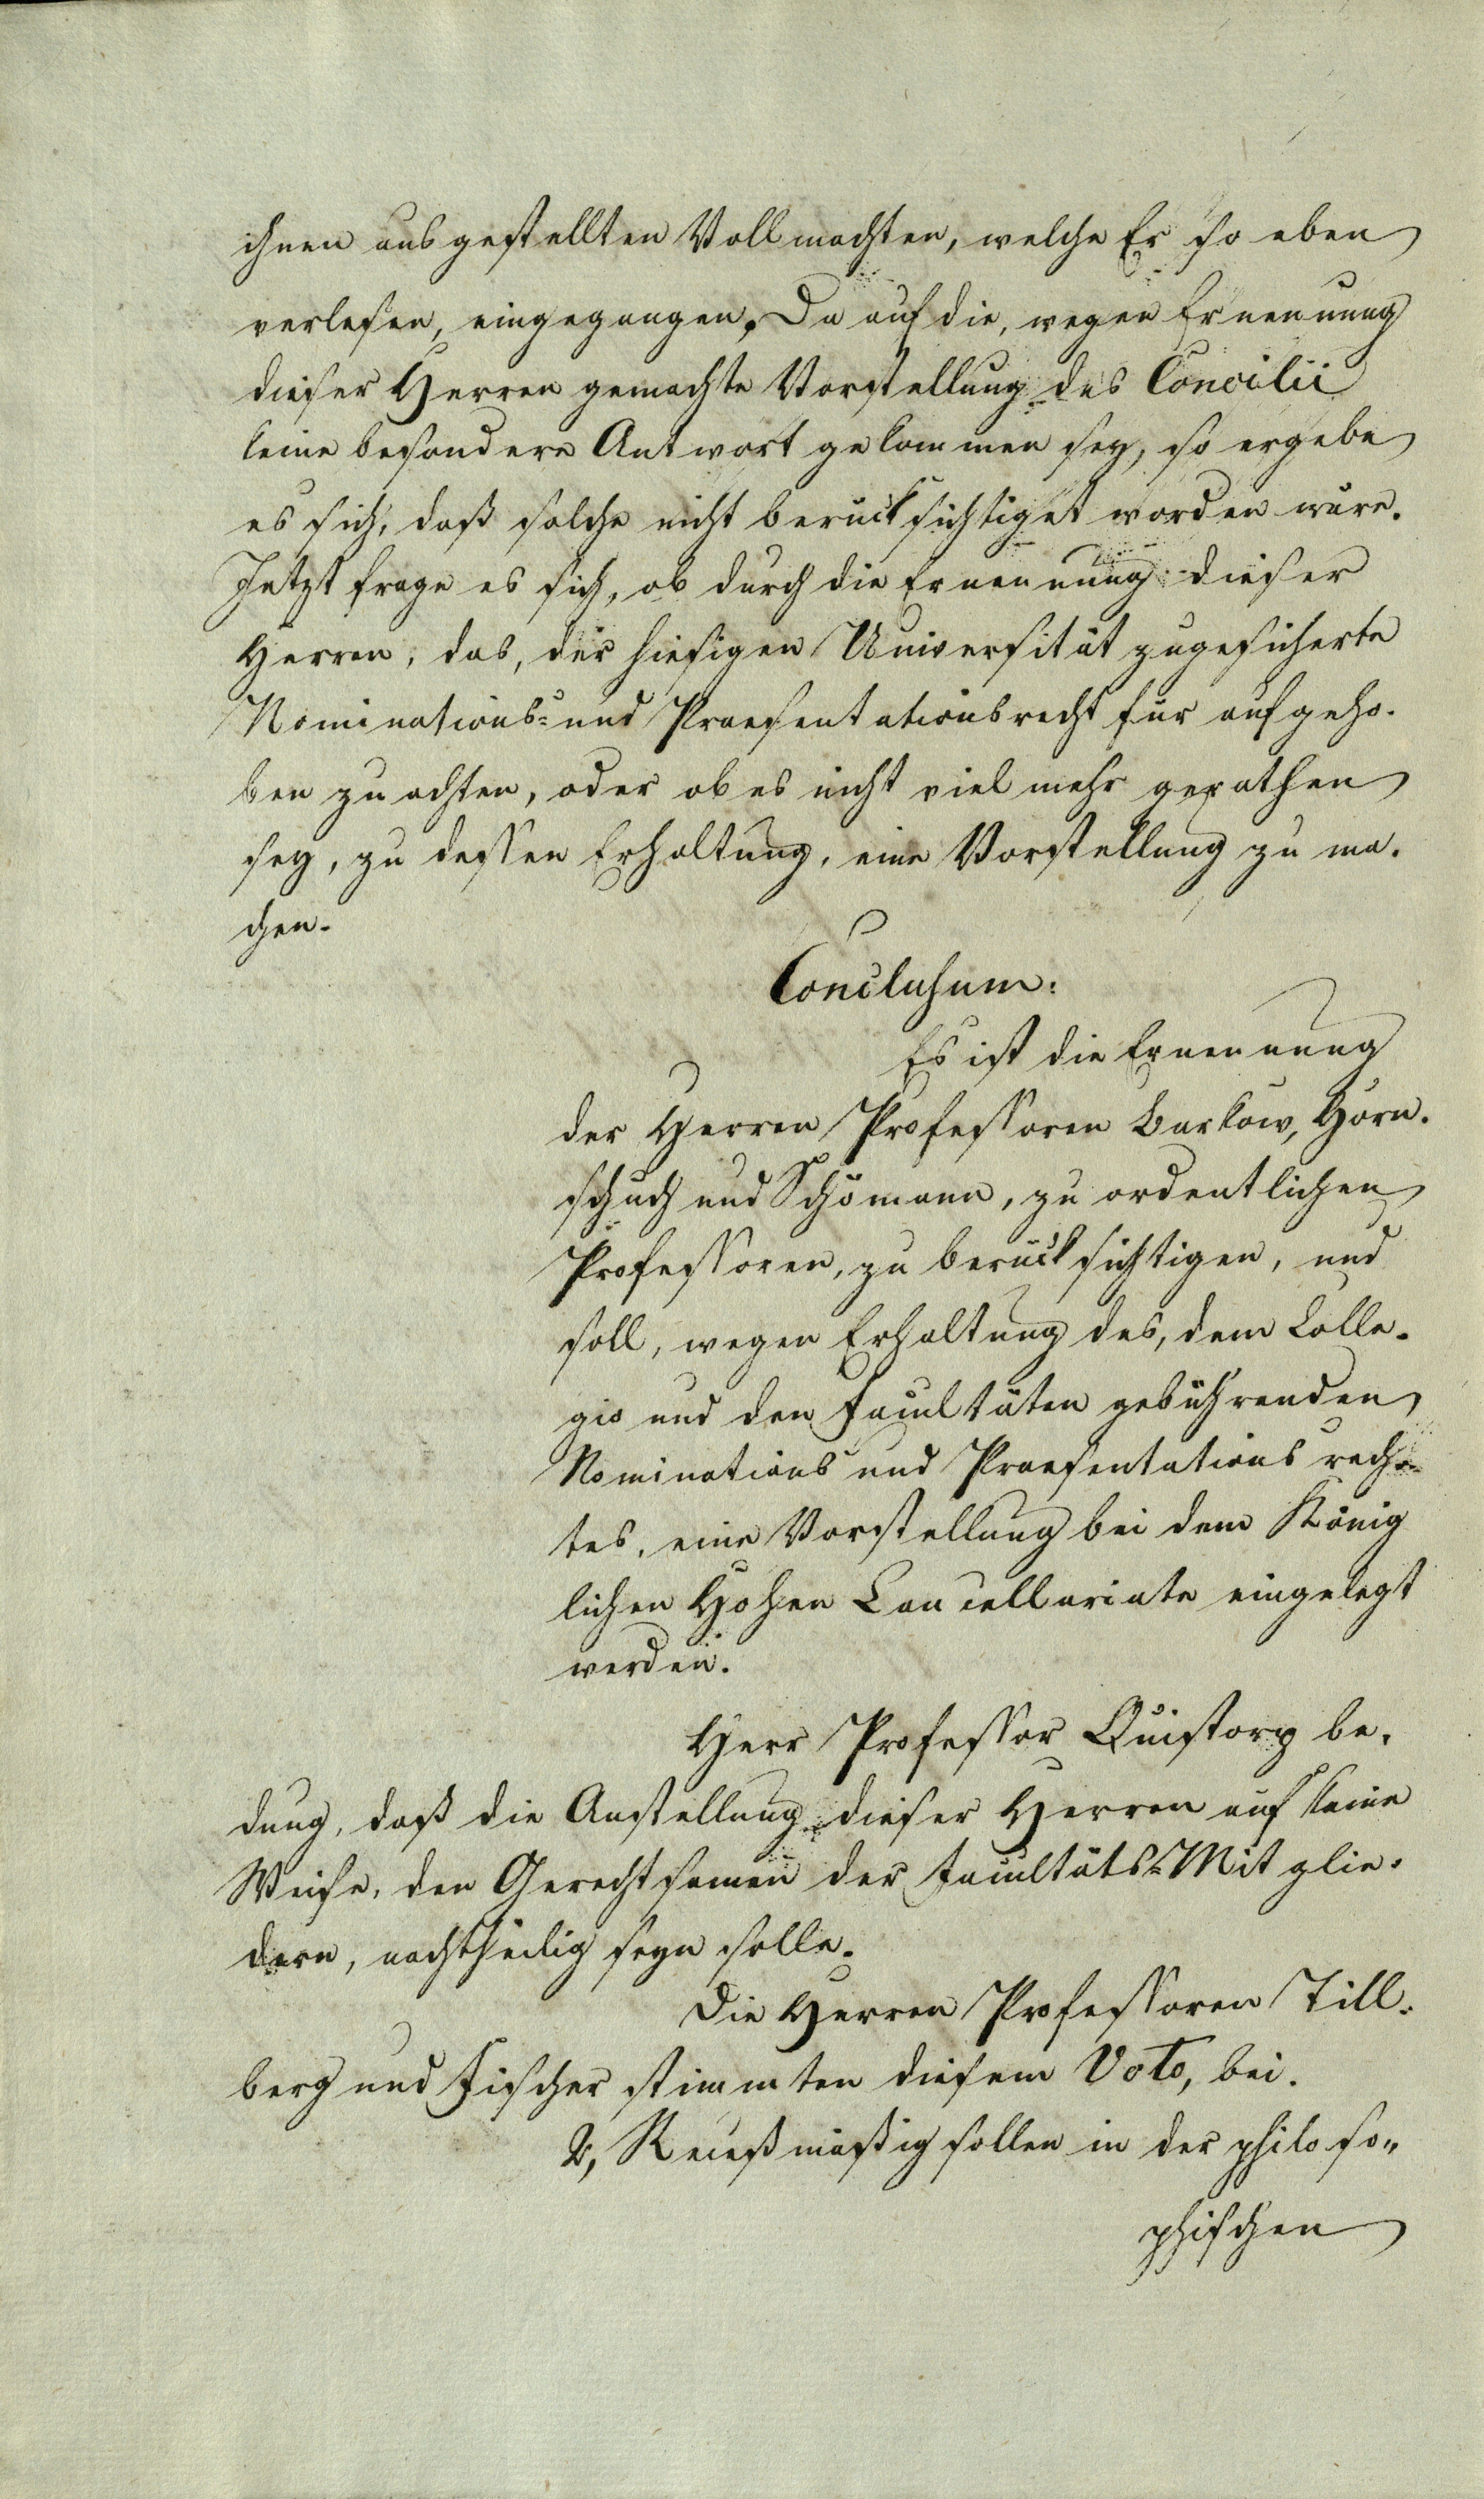ihnen ausgestellten Vollmachten, welche Er so eben
verlesen, eingegangen. Da auf die, wegen Ernennung
dieser Herren gemachte Vorstellung des Concilii
keine besondere Antwort gekommen sey, so ergebe
es sich, daß solche nicht berücksichtiget worden wäre.
Jetzt frage es sich, ob durch die Ernennung dieser
Herren, das, der hiesigen Universität zugesicherte
Nominations- und Praesentationsrecht für aufgeho¬
ben zu erachten, oder ob es nicht vielmehr gerathen
sey, zu dessen Erhaltung, eine Vorstellung zu ma¬
chen.
Conclusum:
Es ist die Ernennung
der Herren Professoren Barkow, Horn¬
schuch und Schömann, zu ordentlichen
Professoren, zu berücksichtigen, und
soll, wegen Erhaltung des, dem Colle¬
gio und den Facultäten gebührenden
Nominations- und Praesentationsrech¬
tes, eine Vorstellung bei dem König¬
lichen Hohen Cancellariate eingelegt
werden.
Herr Professor Quistorp be¬
dung, daß die Anstellung dieser Herren auf keine
Weise, den Gerechtsamen der Facultäts-Mitglie¬
dern , nachtheilig seyn solle.
Die Herren Professoren Till¬
berg und Fischer stimmten diesem Voto, bei.
2, Receßmäßig sollen in der philoso¬
phischen